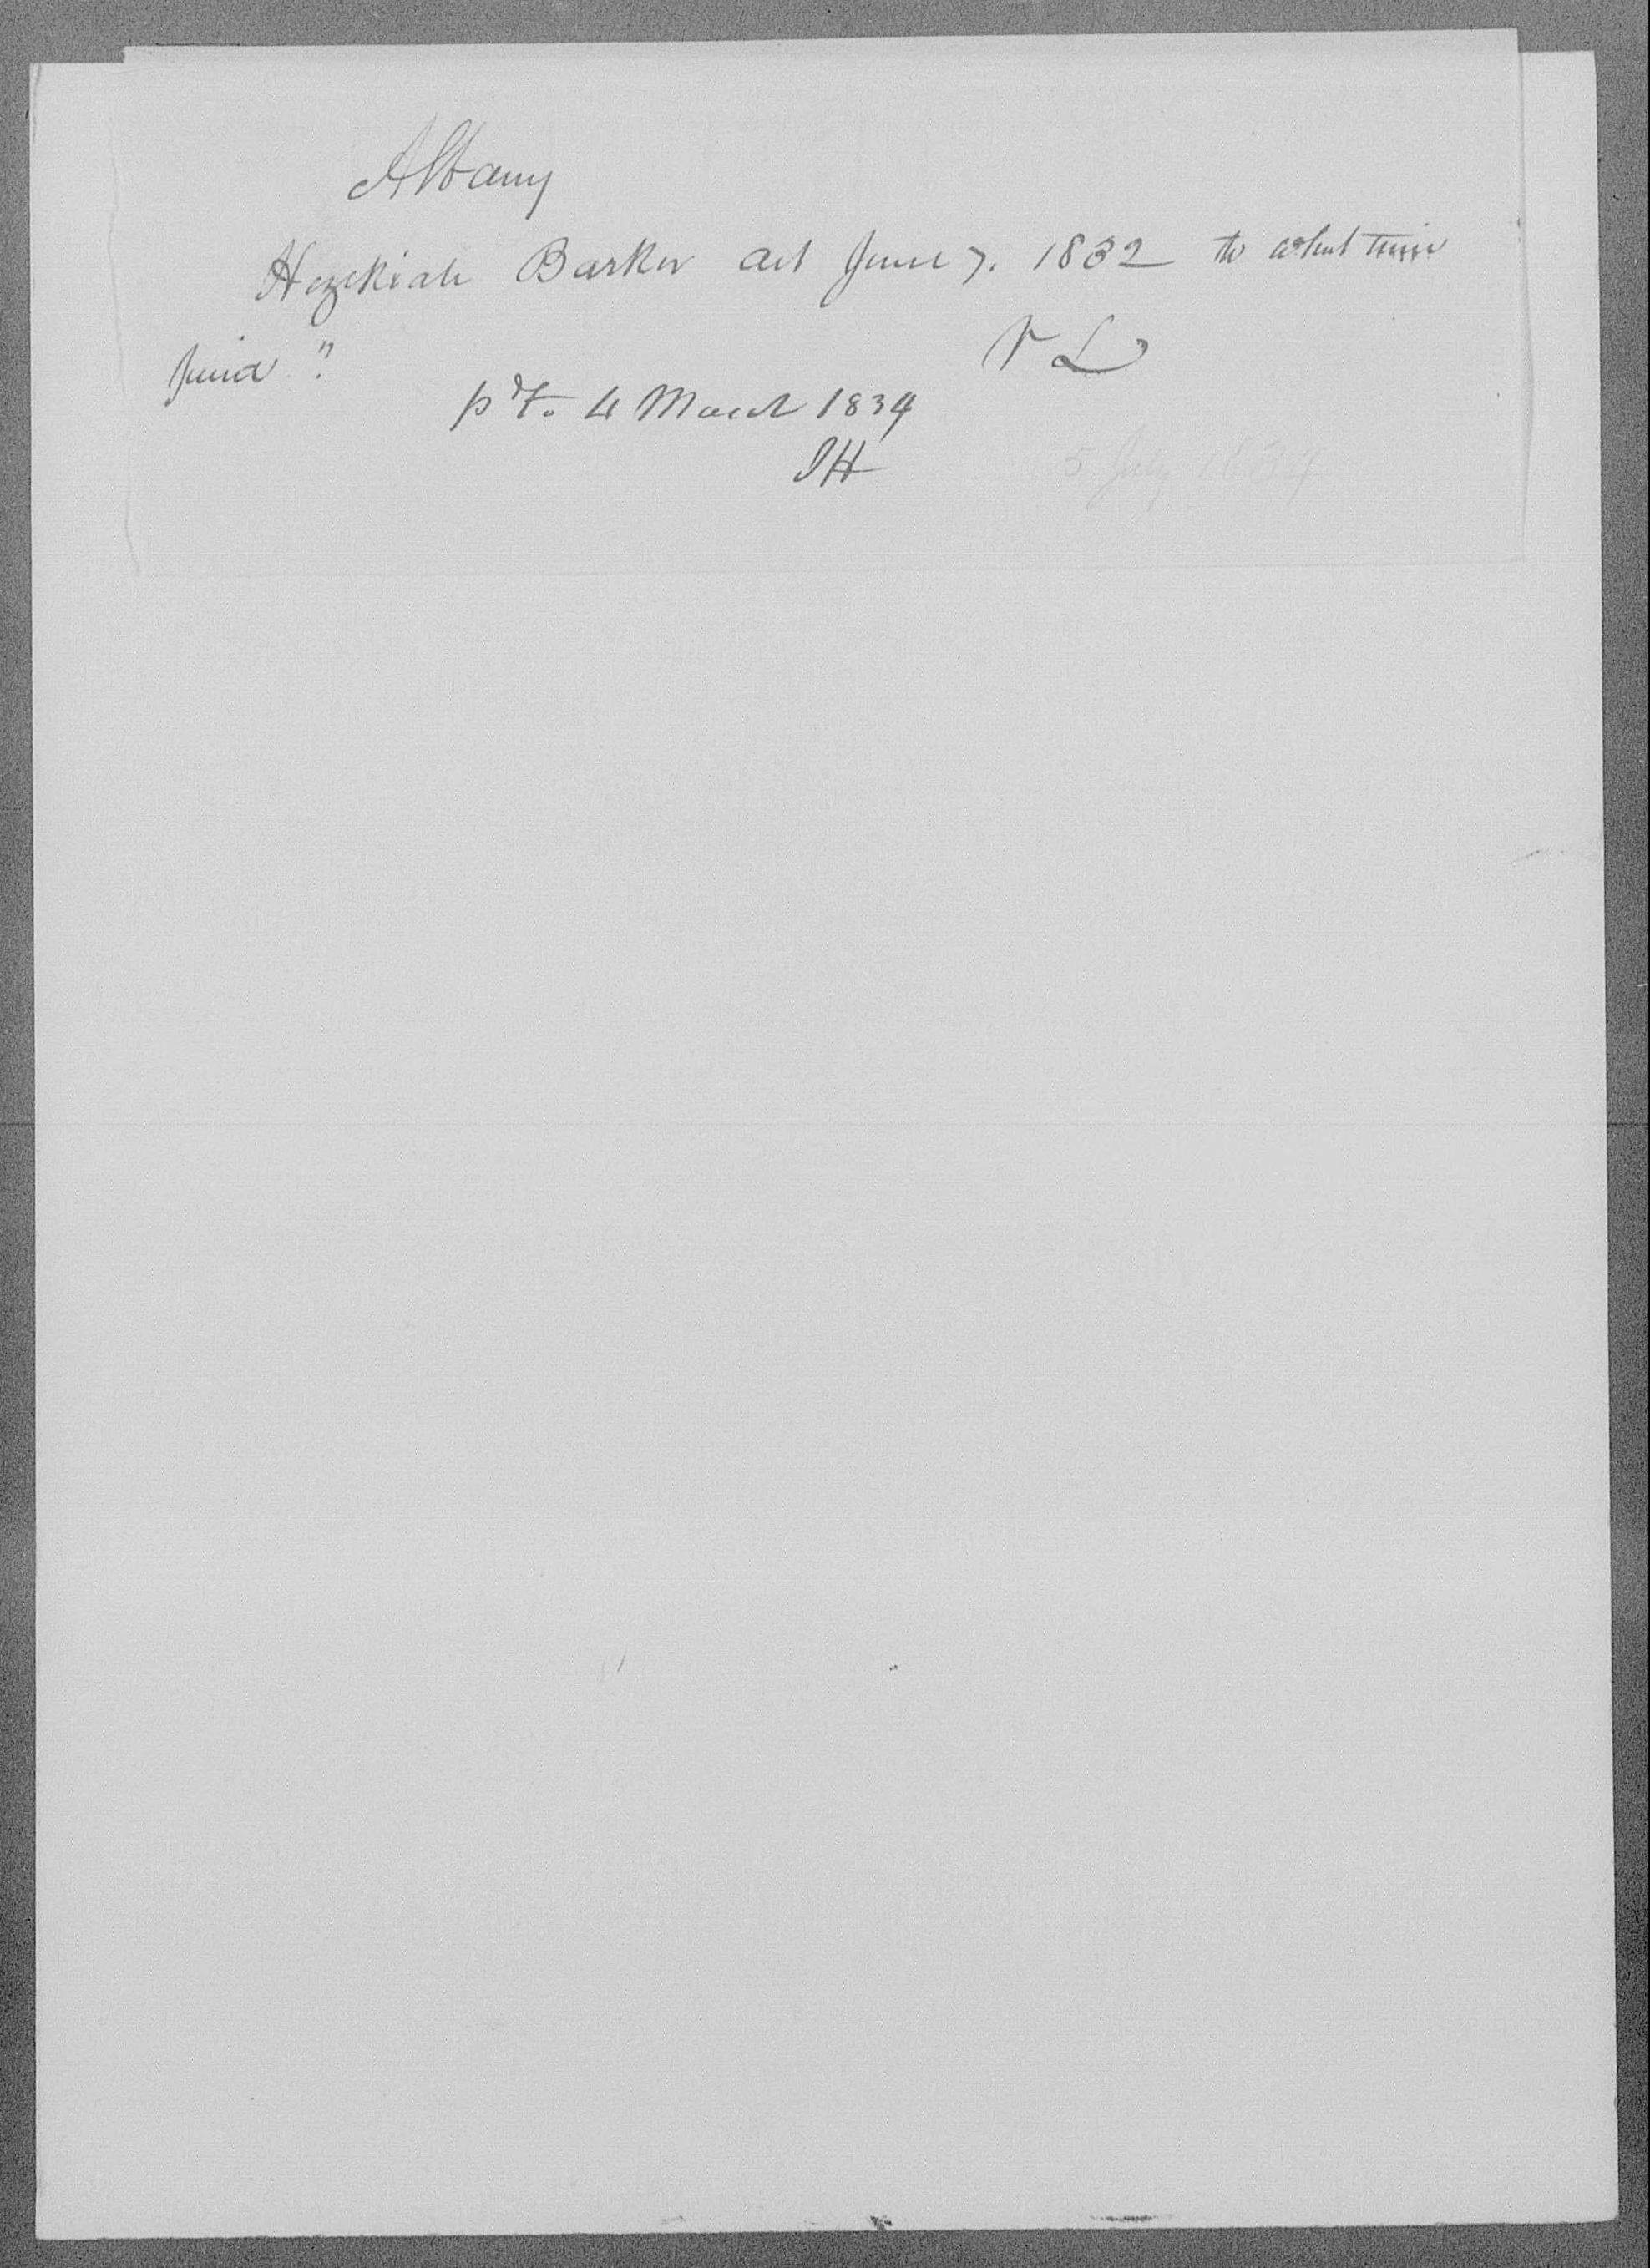Albany
Hezekiah Barker Act June 7, 1832 to what time paid?
p to 4 March 1834
J. H.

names: Hezekiah Barker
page: 26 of 52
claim: widow's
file: W. 18,565, Hezekiah Barker, Continental R.I.